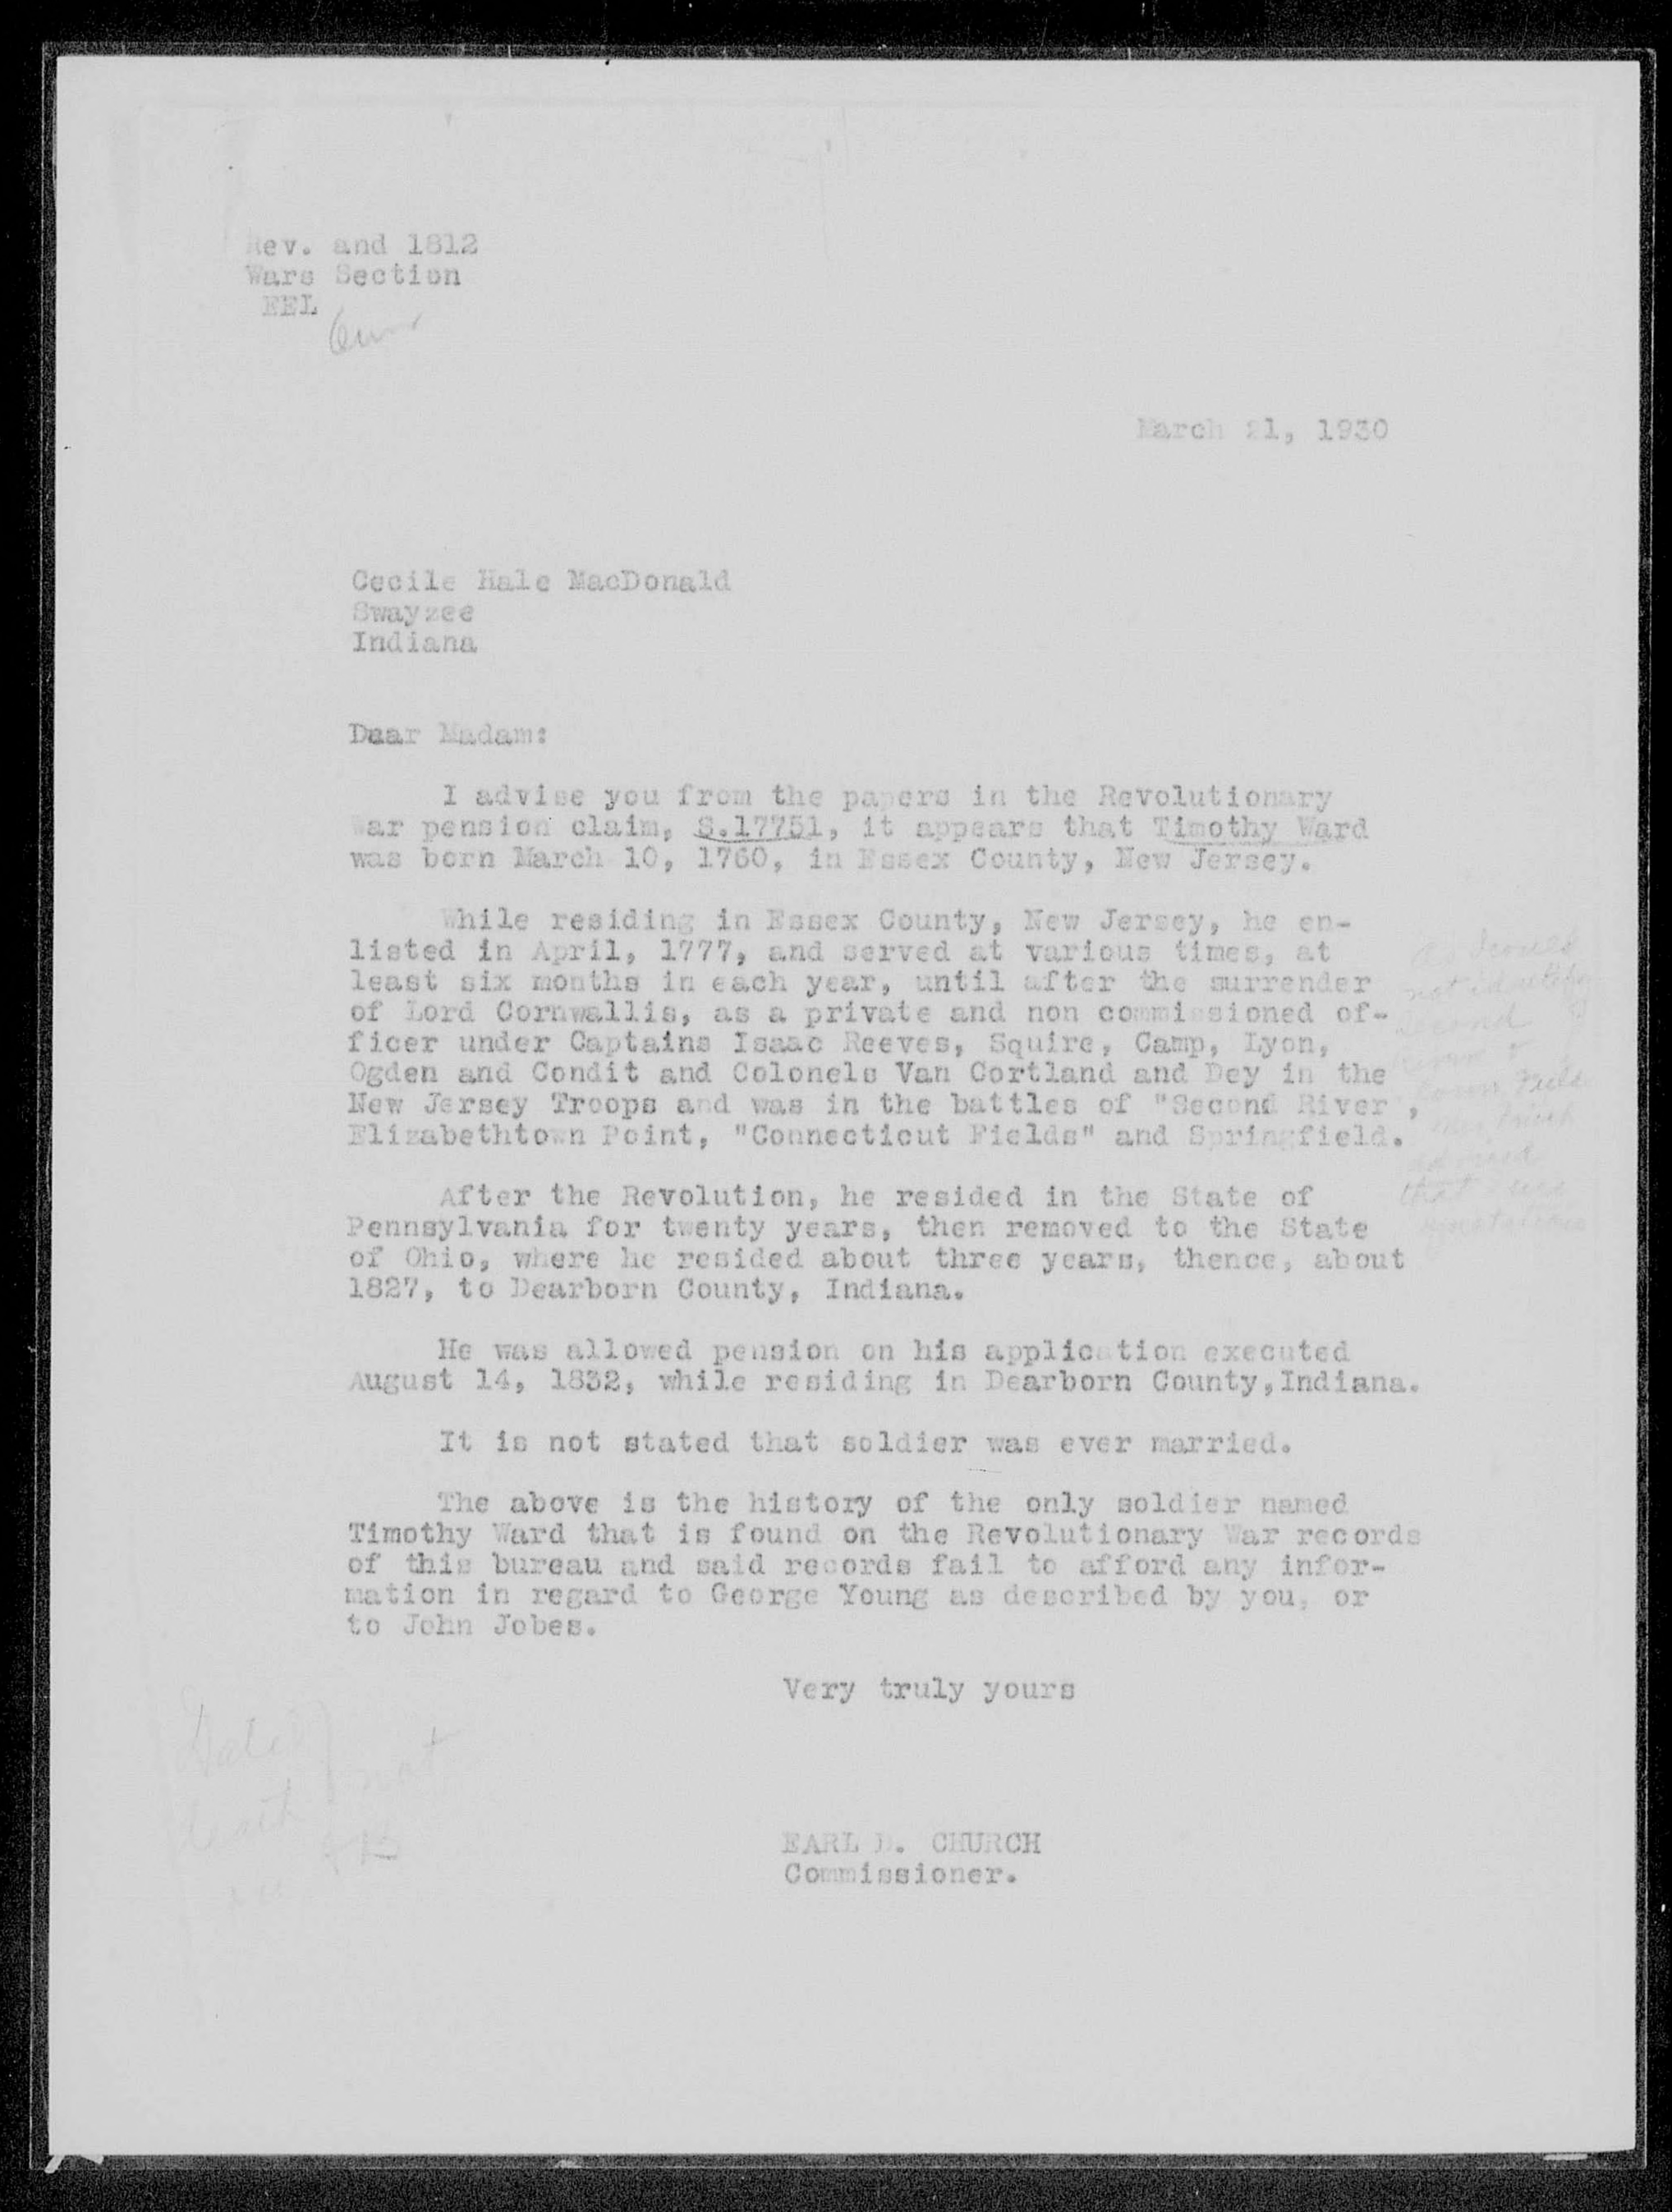Rev. and 1812 
Wars Section 
EEL
Cun

 March 21, 1930

Cecile Hale MacDonald 
Swayzee 
Indiana 

Dear Madam: 

I advise you from the papers in the Revolutionary War pension claim, S.17751, it appears that Timothy Ward was born March 10, 1760, in Essex County, New Jersey. 

While residing in Essex County, New Jersey, he enlisted in April, 1777, and served at various times, at least six months in each year, until after the surrender of Lord Cornwallis, as a private and non commissioned of officer under Captains Isaac Reeves, Squire, Camp, Lyon, Ogden and Condit and Colonels Van Cortland and Dey in the New Jersey Troops and was in the battles of " Second River, Elizabethtown Point, Connecticut Fields" and Springfield. 

After the Revolution, he resided in the State of Pennsylvania for twenty years, then removed to the State of Ohio, where he resided about three years, thence, about 1827, to Dearborn County, Indiana. 

He was allowed pension on his application executed August 14, 1832, while residing in Dearborn County, Indiana. 

It is not stated that soldier was ever married. 

The above is the history of the only soldier named Timothy Ward that is found on the Revolutionary War records of this bureau and said records fail to afford any information in regard to George Young as described by you, or to John Jobes, 
Very truly yours 
EARL D. CHURCH 
Commissioner. 

[pencil written note along right margin that stated the following:] As I could not identify Second River & Conn. Fields Mr Frisch advised that I use quotations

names: Lyon, Timothy Ward, Earl D Church, Van Cortland, Isaac Reeves, Condit, Cornwallis, Timothy Ward, Cecile Hale Mac Donald, Ogden, Dey, Squire, George Young, Camp, John Jobes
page: 7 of 24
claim: survivor's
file: S. 17751, Timothy Ward, New Jersey